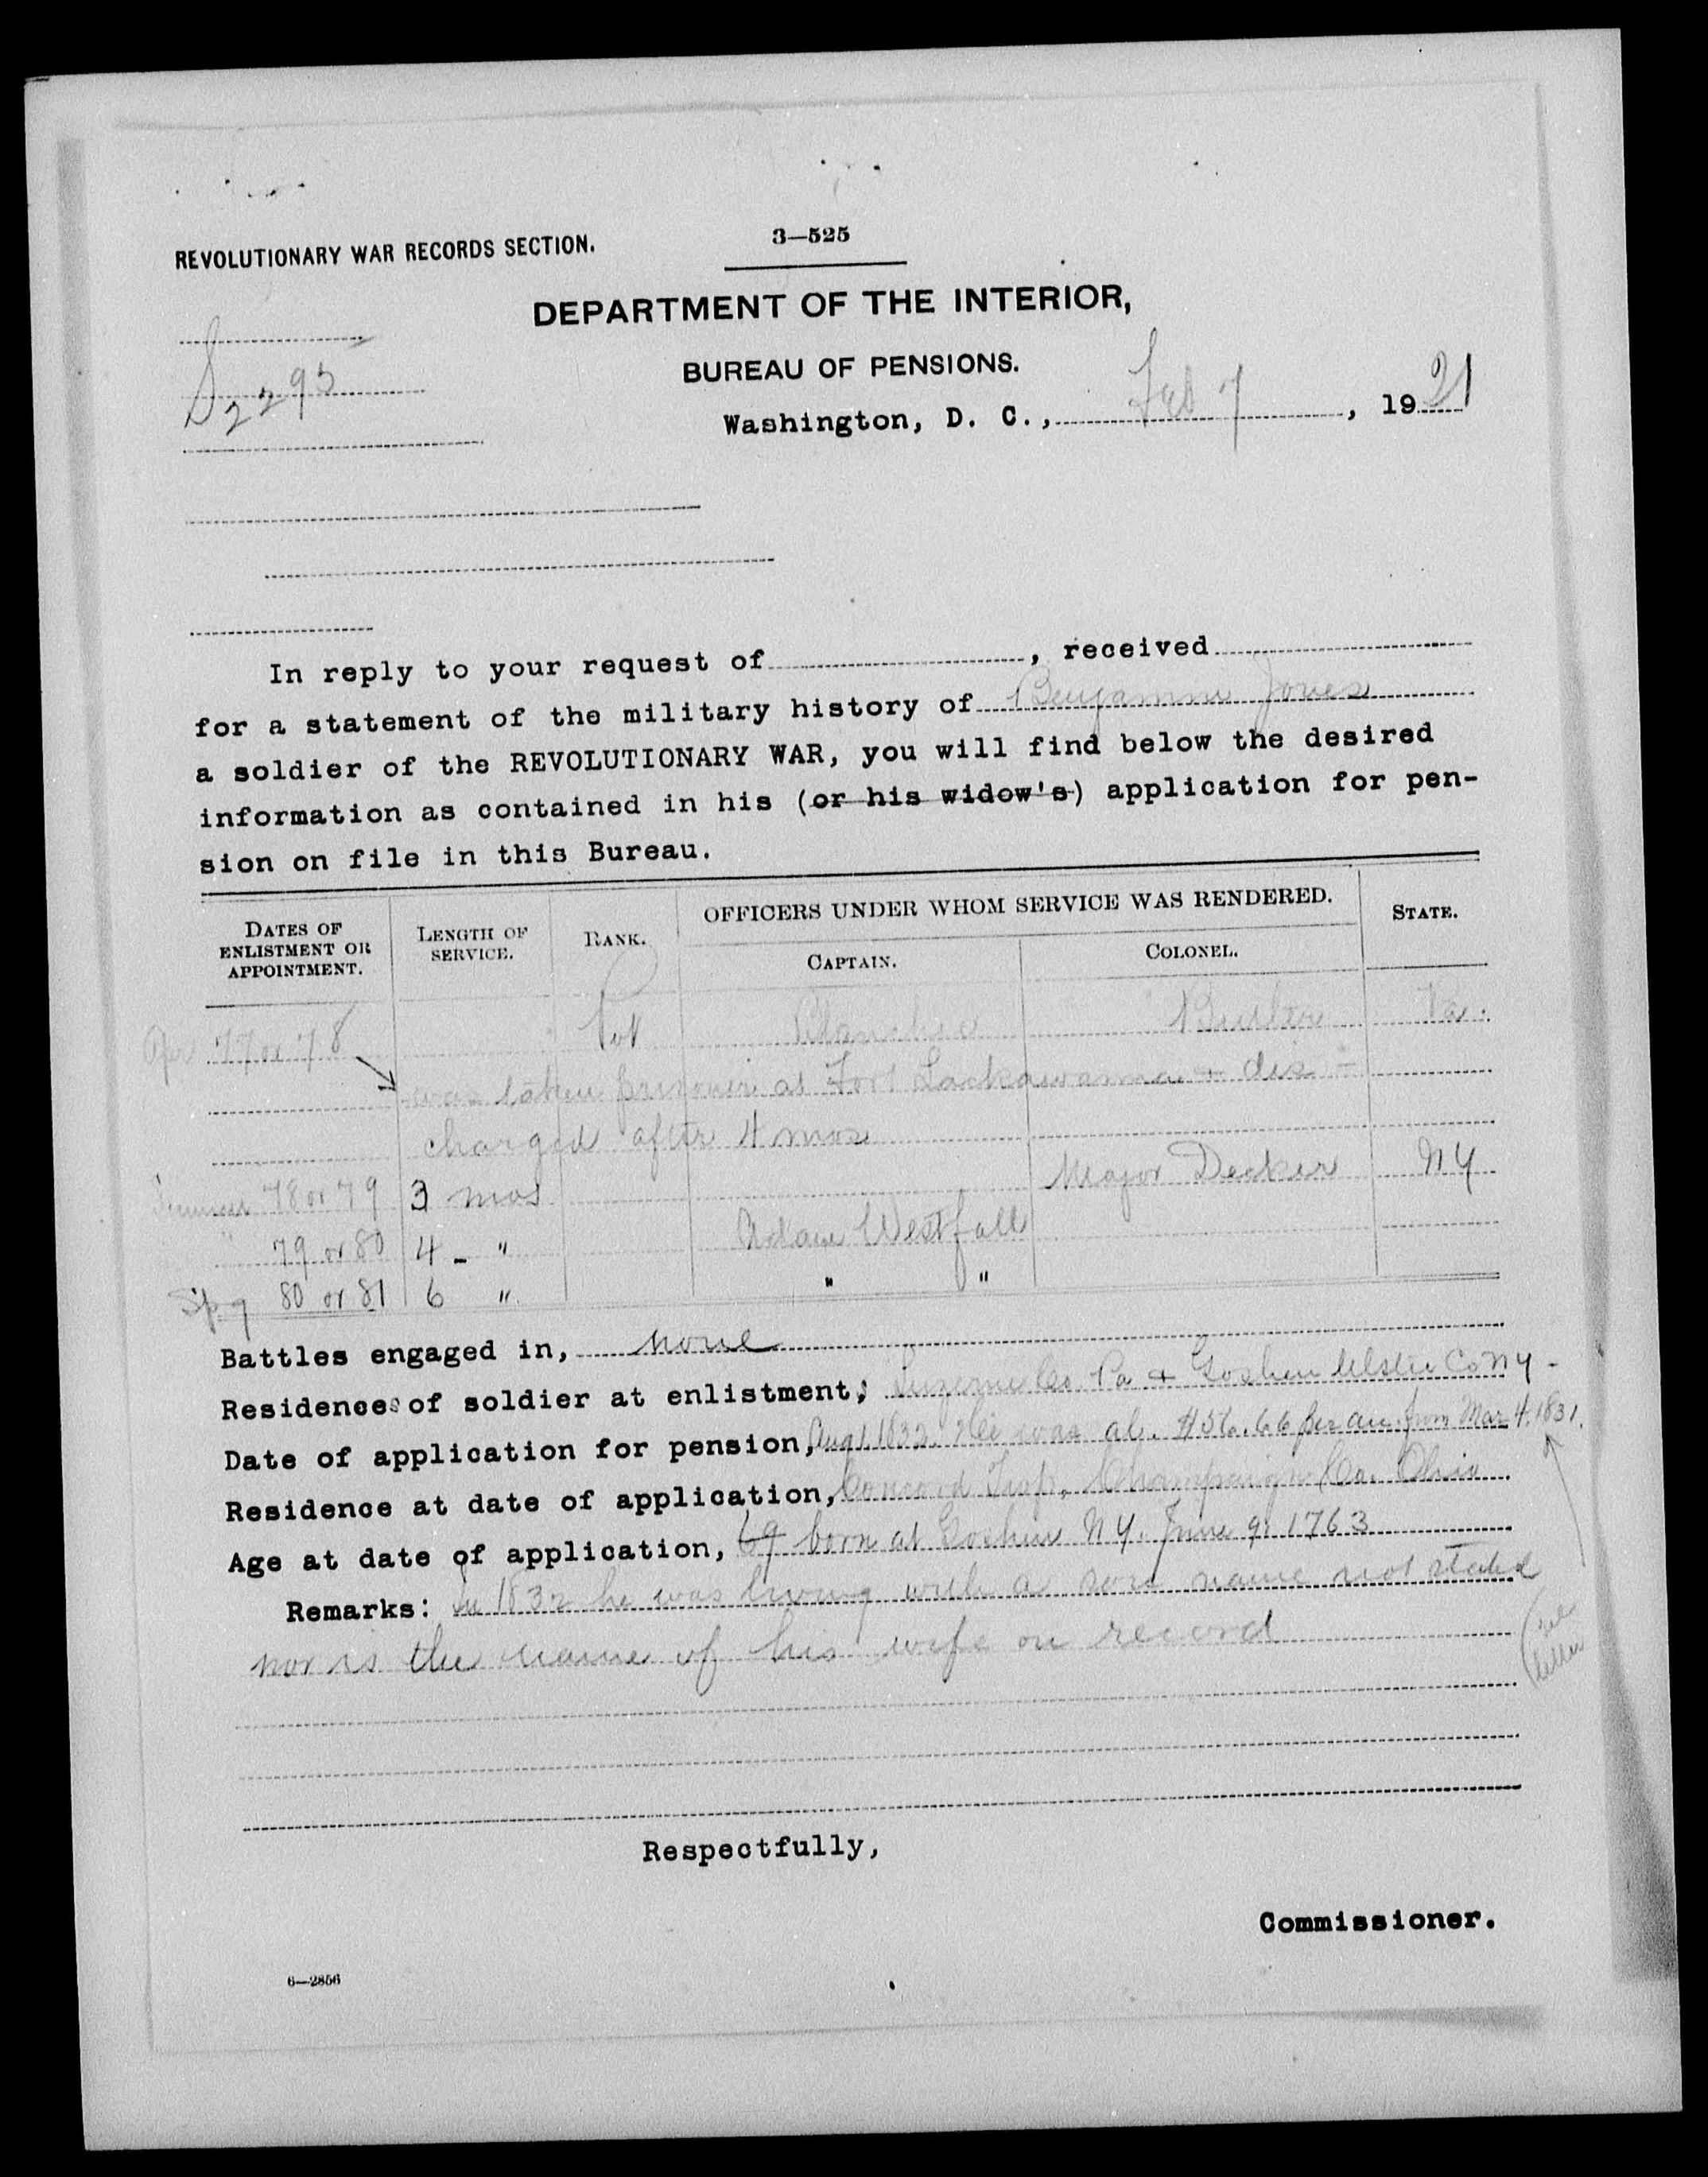REVOLUTIONARY WAR RECORDS SECTION.
3 -- 525
DEPARTMENT OF THE INTERIOR,
BUREAU OF PENSIONS.
Washington, D. C.,   Feb. 7, 1921

S2295

In reply to your request of_____, received___
for a statement of the military history of Benjamin Jones, a soldier of the REVOLUTIONARY WAR, you will find below the desired information as contained in his  application for pension on file in this Bureau.
DATES OF ENLISTMENT OR APPOINTMENT.
(1) Apr 77 or 78
LENGTH OF SERVICE - Was taken prisoner at Fort Lackawanna and discharged after 4 mos.
CAPTAIN:  Blancher
COLONEL:  Butler
STATE: Pa.
(2) Summer 78 or 79
3 MOS.
Colonel:  Major Decker
STATE:  NY
(3) Summer 79 or 80
4 mos.
Captain:  Adam Westfall
State:  NY
(4) Spring 80 or 81
6 mos.
Captain:  Adam Westfall
State:  NY
Battles engaged in:  None
Residence of soldier at enlistment:  Luzerne Co., Pa., & Goshen, Ulster Co., NY
Date of application for pension:  Aug. 1, 1832.  He was al. $56.66 per ann. from Mar. 4, 1831 (see letter)
Residence at date of Application: Concord Twp., Champaign Co., Ohio
Age at date of application:  69, born at Goshen, NY, June 9, 1763
Remarks:  In 1832, he was living with a son, name not stated, nor is the name of his wife on record.

Respectfully,
Commissioner.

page: 9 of 10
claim: survivor's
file: S. 2295, for Benjamin Jones, New York